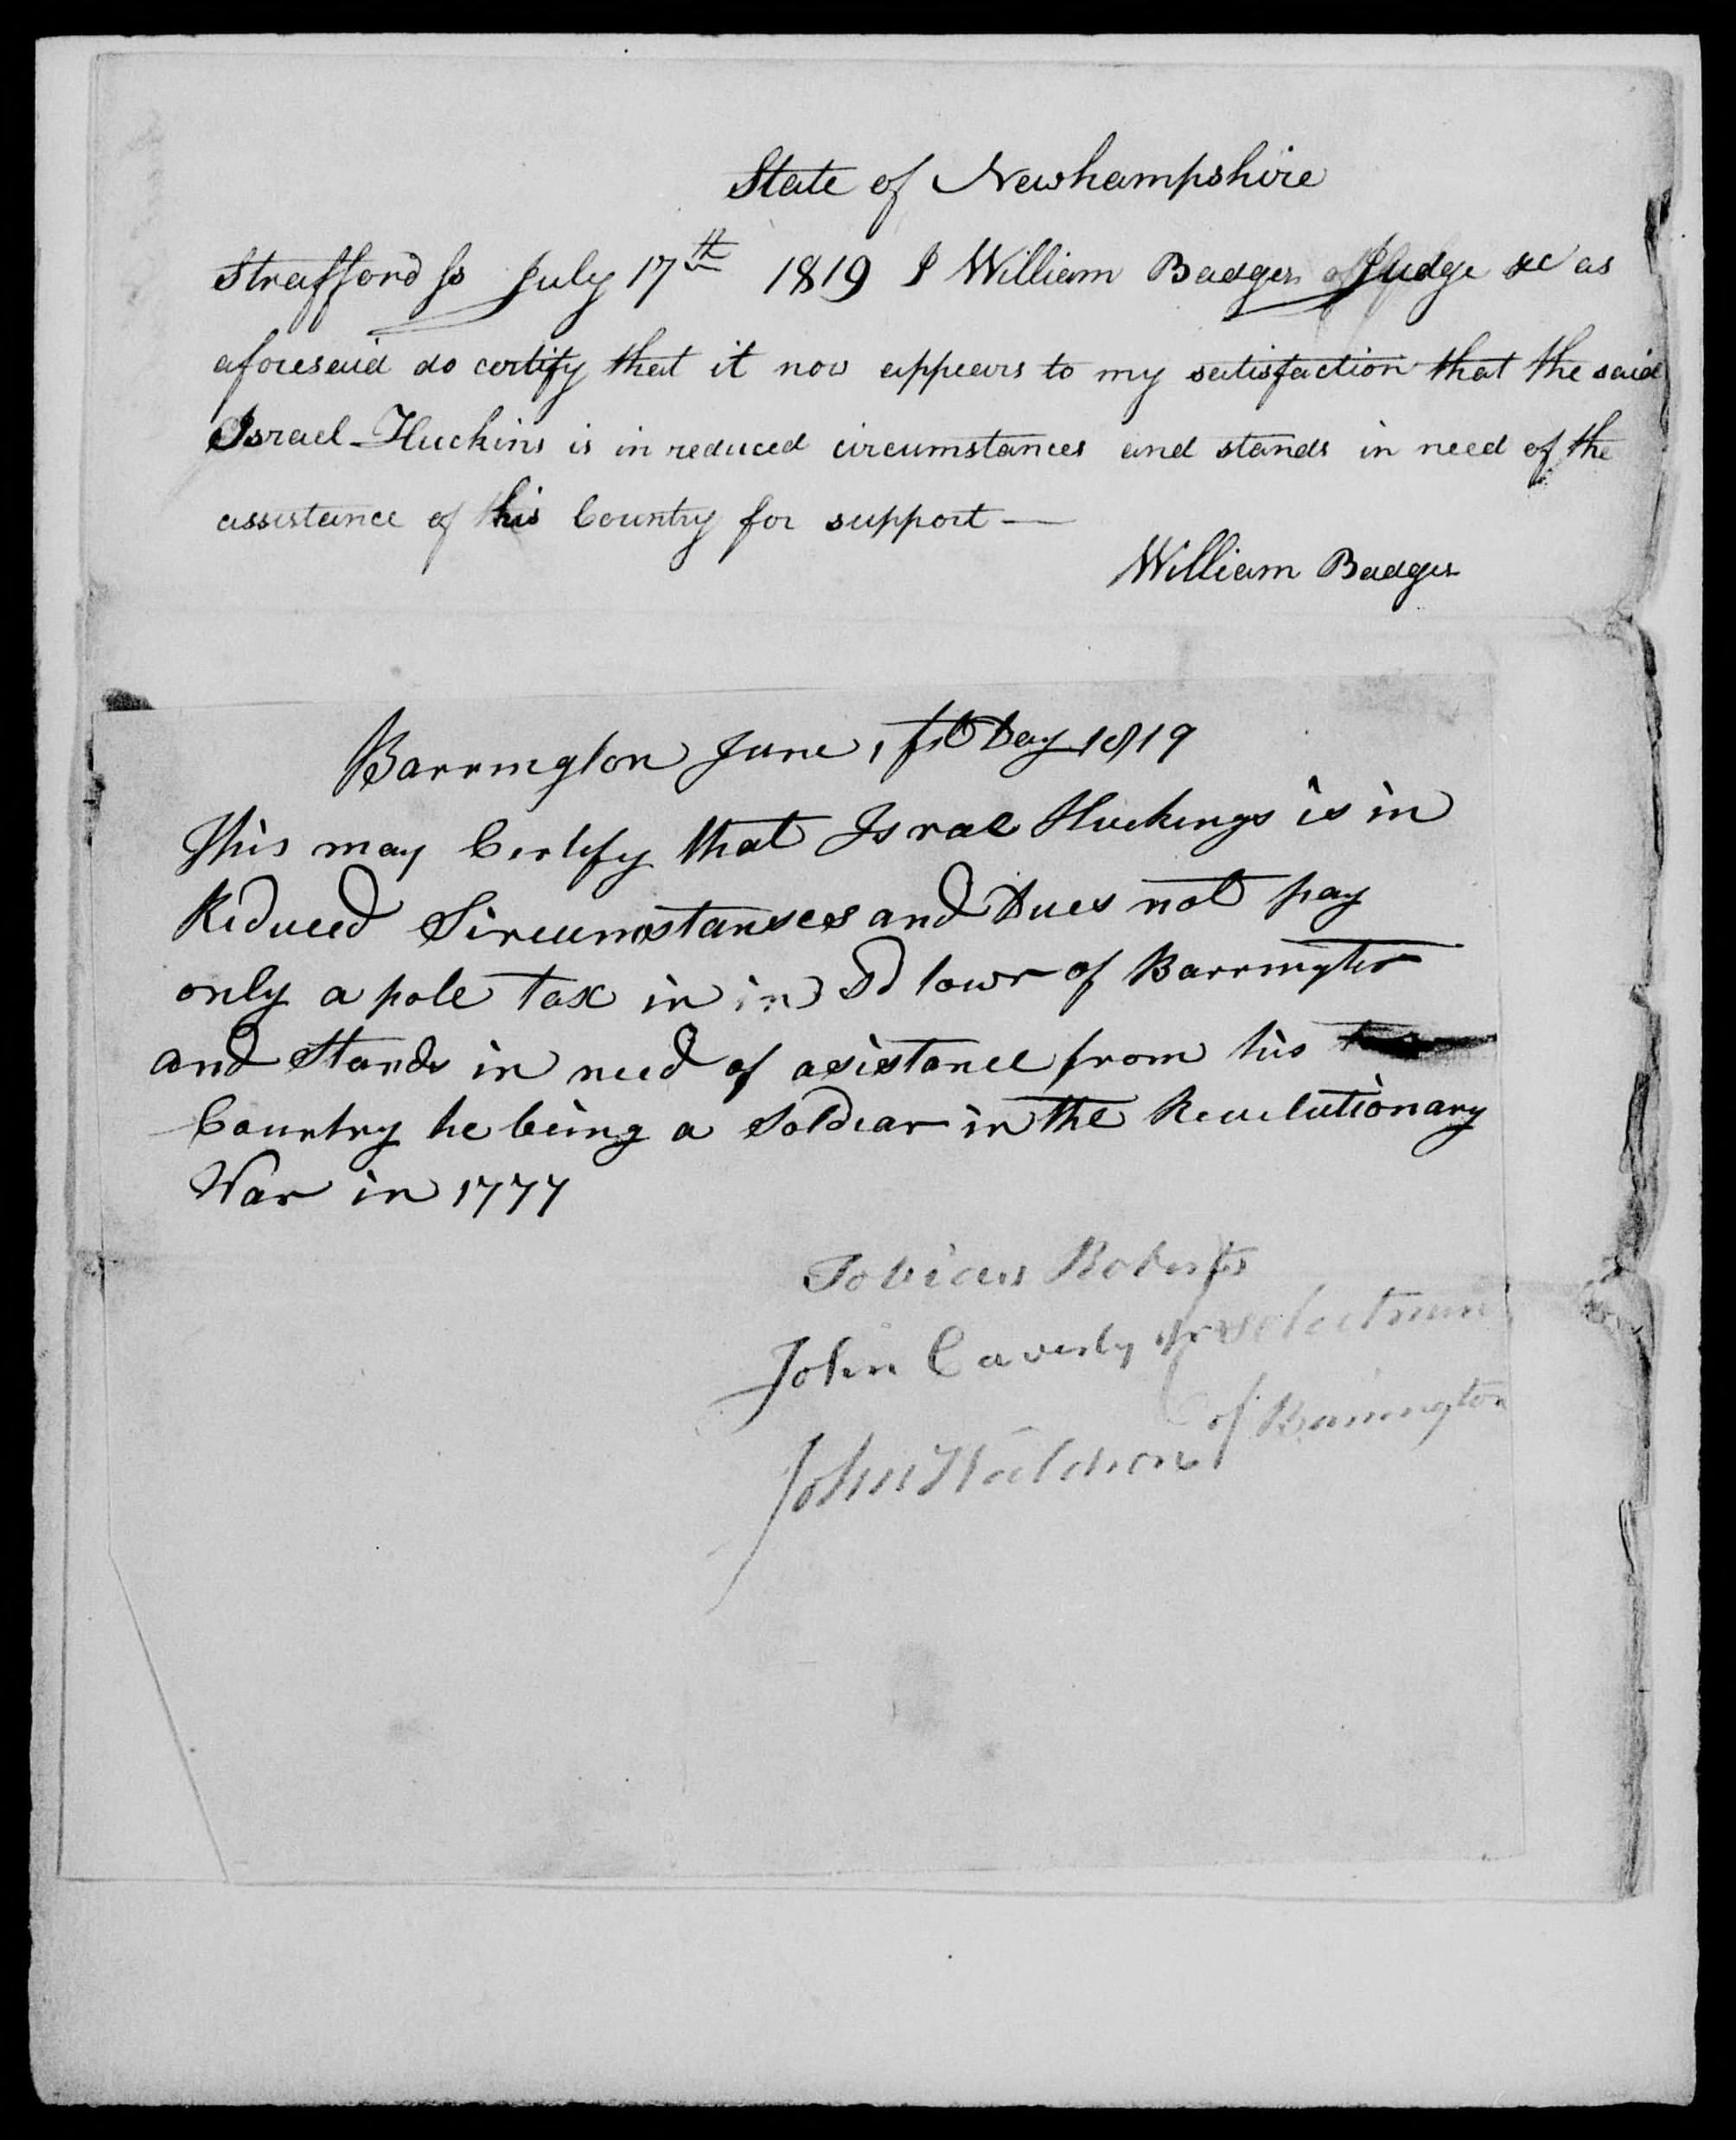State of New Hampshire Strafford July 17th 1819
I, William Broges, Judge as aforesaid, do certify that it now appears to my satisfaction that the said Israel Huckins is in reduced circumstances and stands in need of the assistance of his country for support.
William Broges

Barrington, June 17th Day 1819
This may certify that Israel Huckins is in reduced circumstances and does not pay only a pole tax in said Town of Barrington and stands in need of assistance from his Country he being a Soldier in the Revolutionary War in 1777.

Felicius Roberts John Canaly, Selectman John Waldron of Barrington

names: John Waldron, Israel Huckins, John Caverly, Tobias Roberts, William Badger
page: 16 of 35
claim: widow's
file: W. 16127, Israel Huckins, N.H.